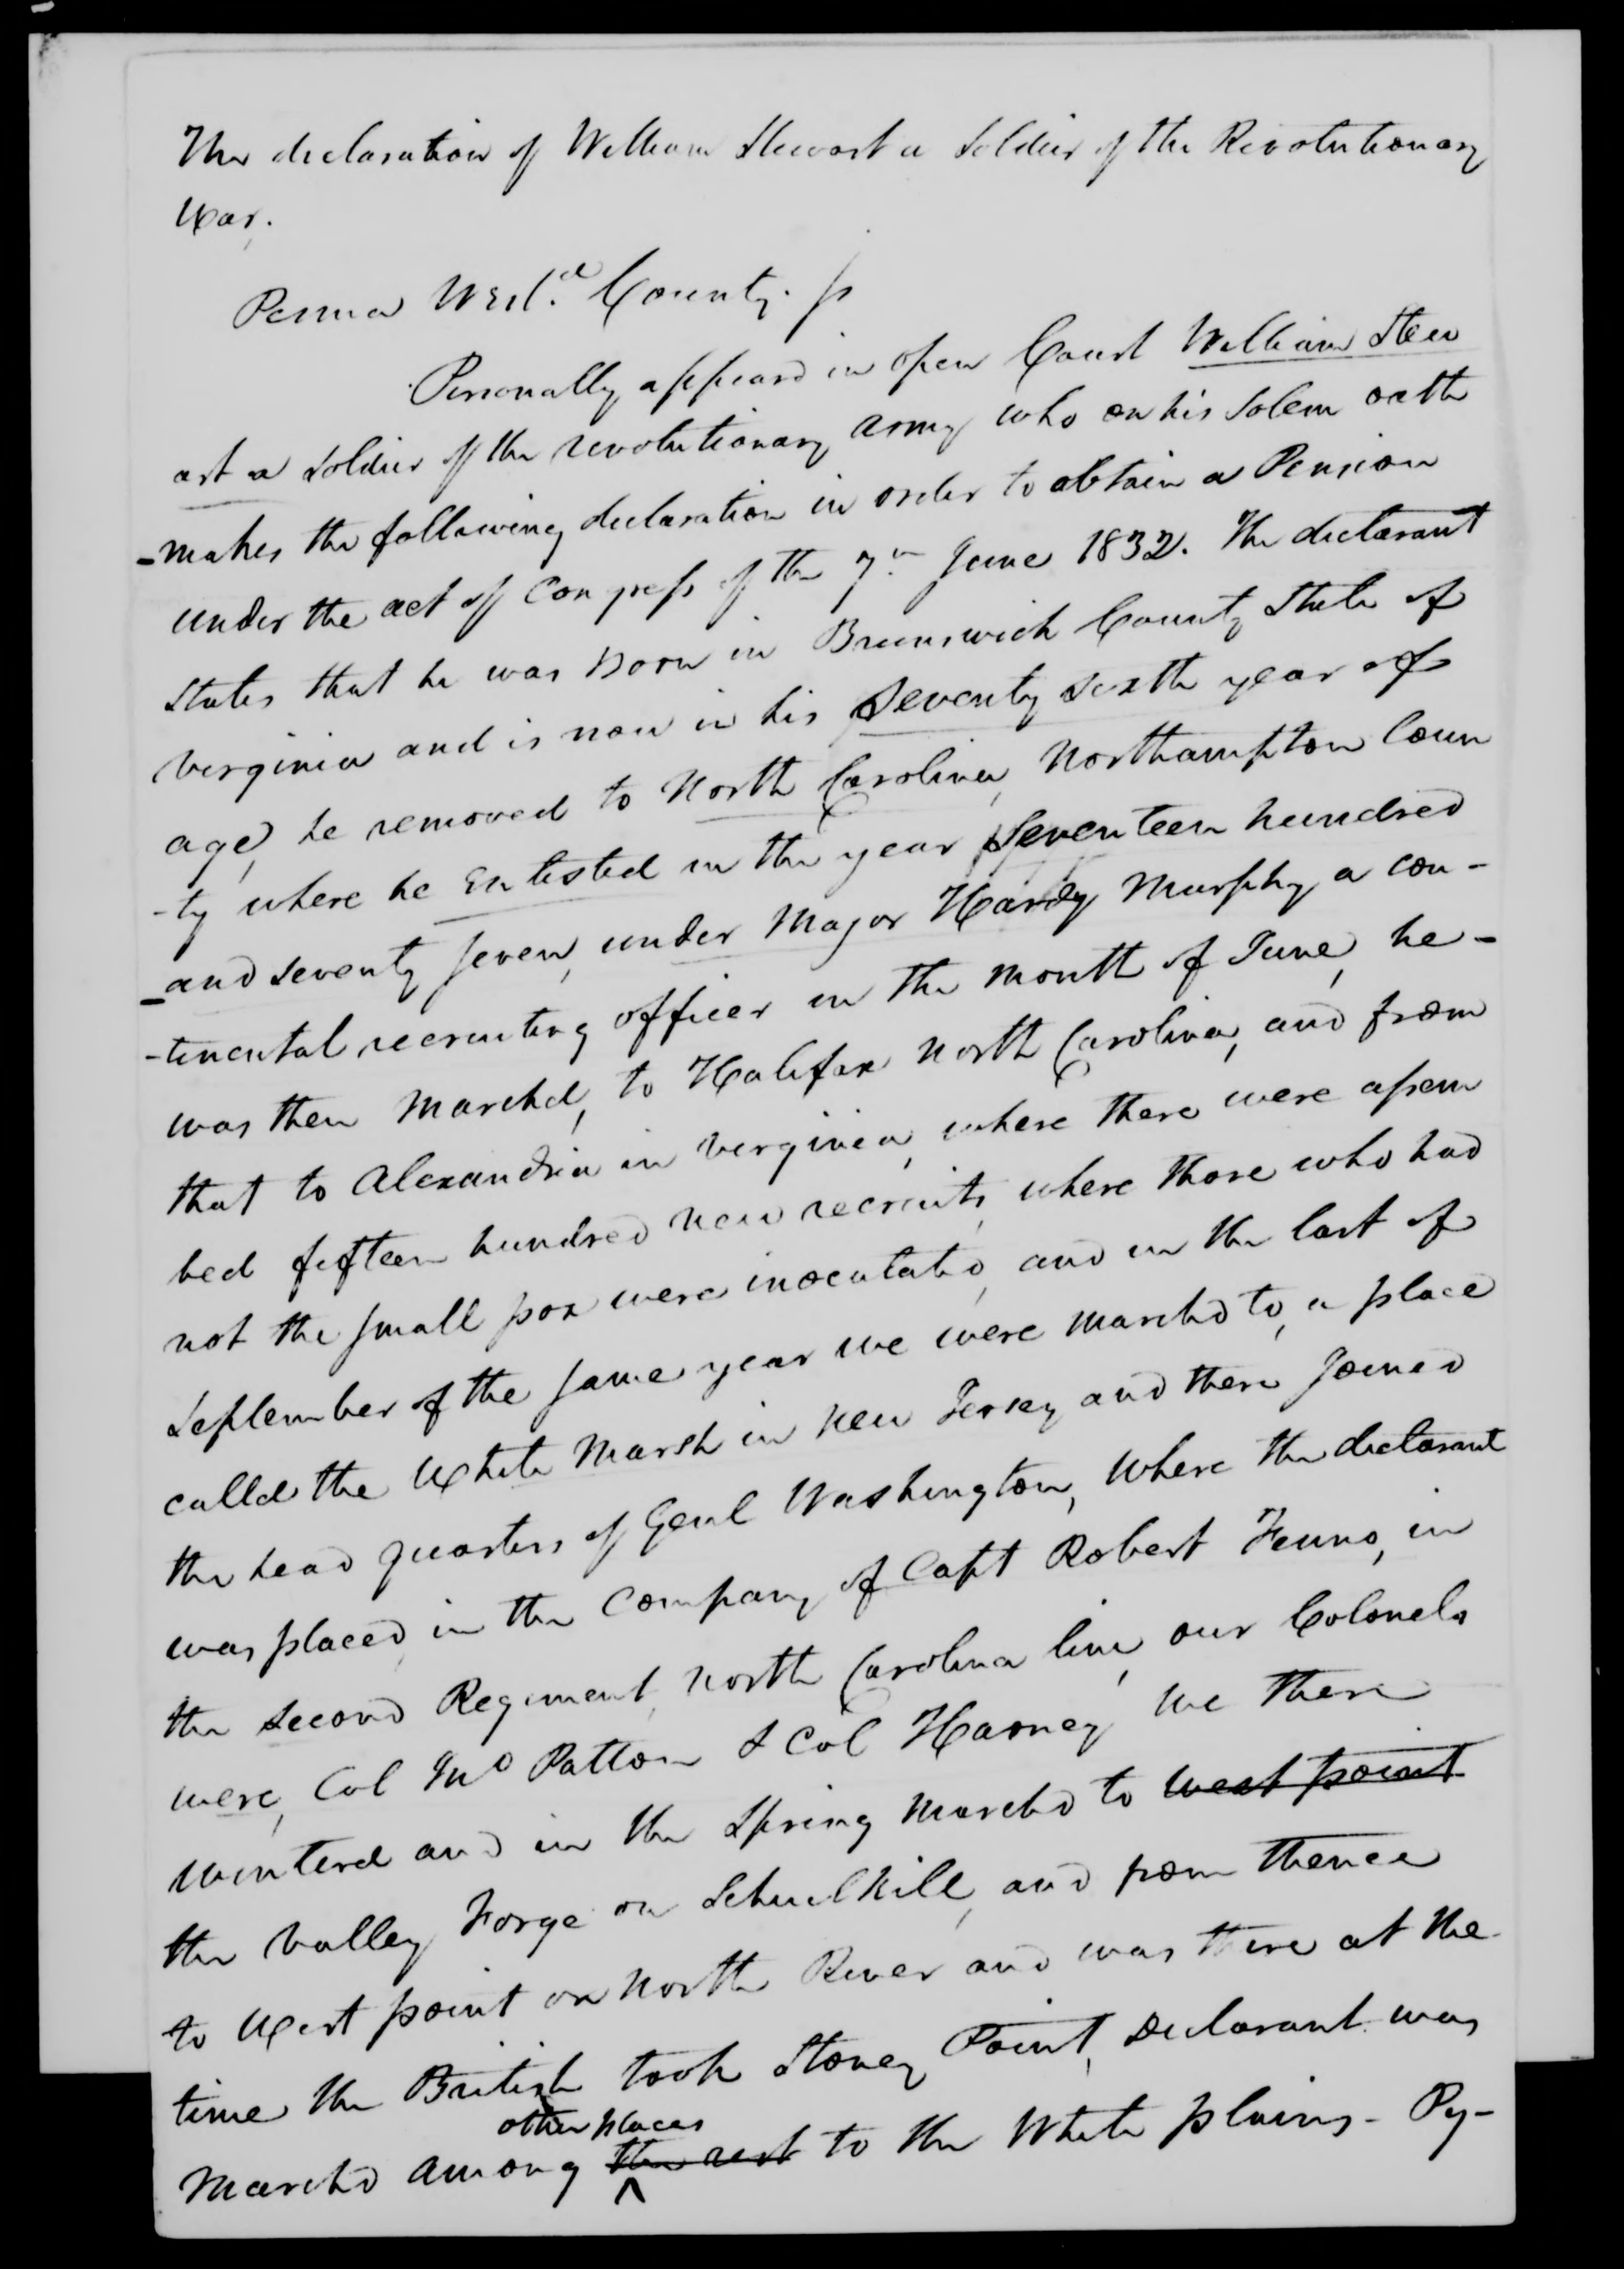The declaration of William Stewart a soldier of the Revolutionary
Pennsylvania West{illegible] County
Personally appeared in open Court William H
Stewart a soldier of the revolutionary army who on his solemn oath makes the following declaration in order to obtain a Pension under the act of Congress of the 7th June 1832. 
The declarant States that he was born in Brunswick County State of Virginia and is now in his seventy sixth year of age - he removed to North Carolina Northampton County where he enlisted in the year Seventeen hundred and seventy seven under Major Hardy Murphy a continental recounting officer in the month of June - he was then marched to Halifax North Carolina and from there to Alexandria in Virginia where there were assembled fifteen hundred new recruits where those who had not had the small pox were inoculated, and in the last of September of the same year we were marched to a place called the White Marsh in New Jersey and then joined the head quarters of Genl Washington where the declarant was placed in the company of Capt Robert Fenns in the second Regiment north Carolina line our Colonels were Col Jno Patton & Col Harney- we there wintered and in the spring marched to the Valley Forge on Schuylkill, and from thence to West point in North River and was there at the time the British took Stoney Point, Declarant was
Marched among other places to the White Plains by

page: 2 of 13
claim: rejected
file: R. 10,173, for William Stewart, North Carolina